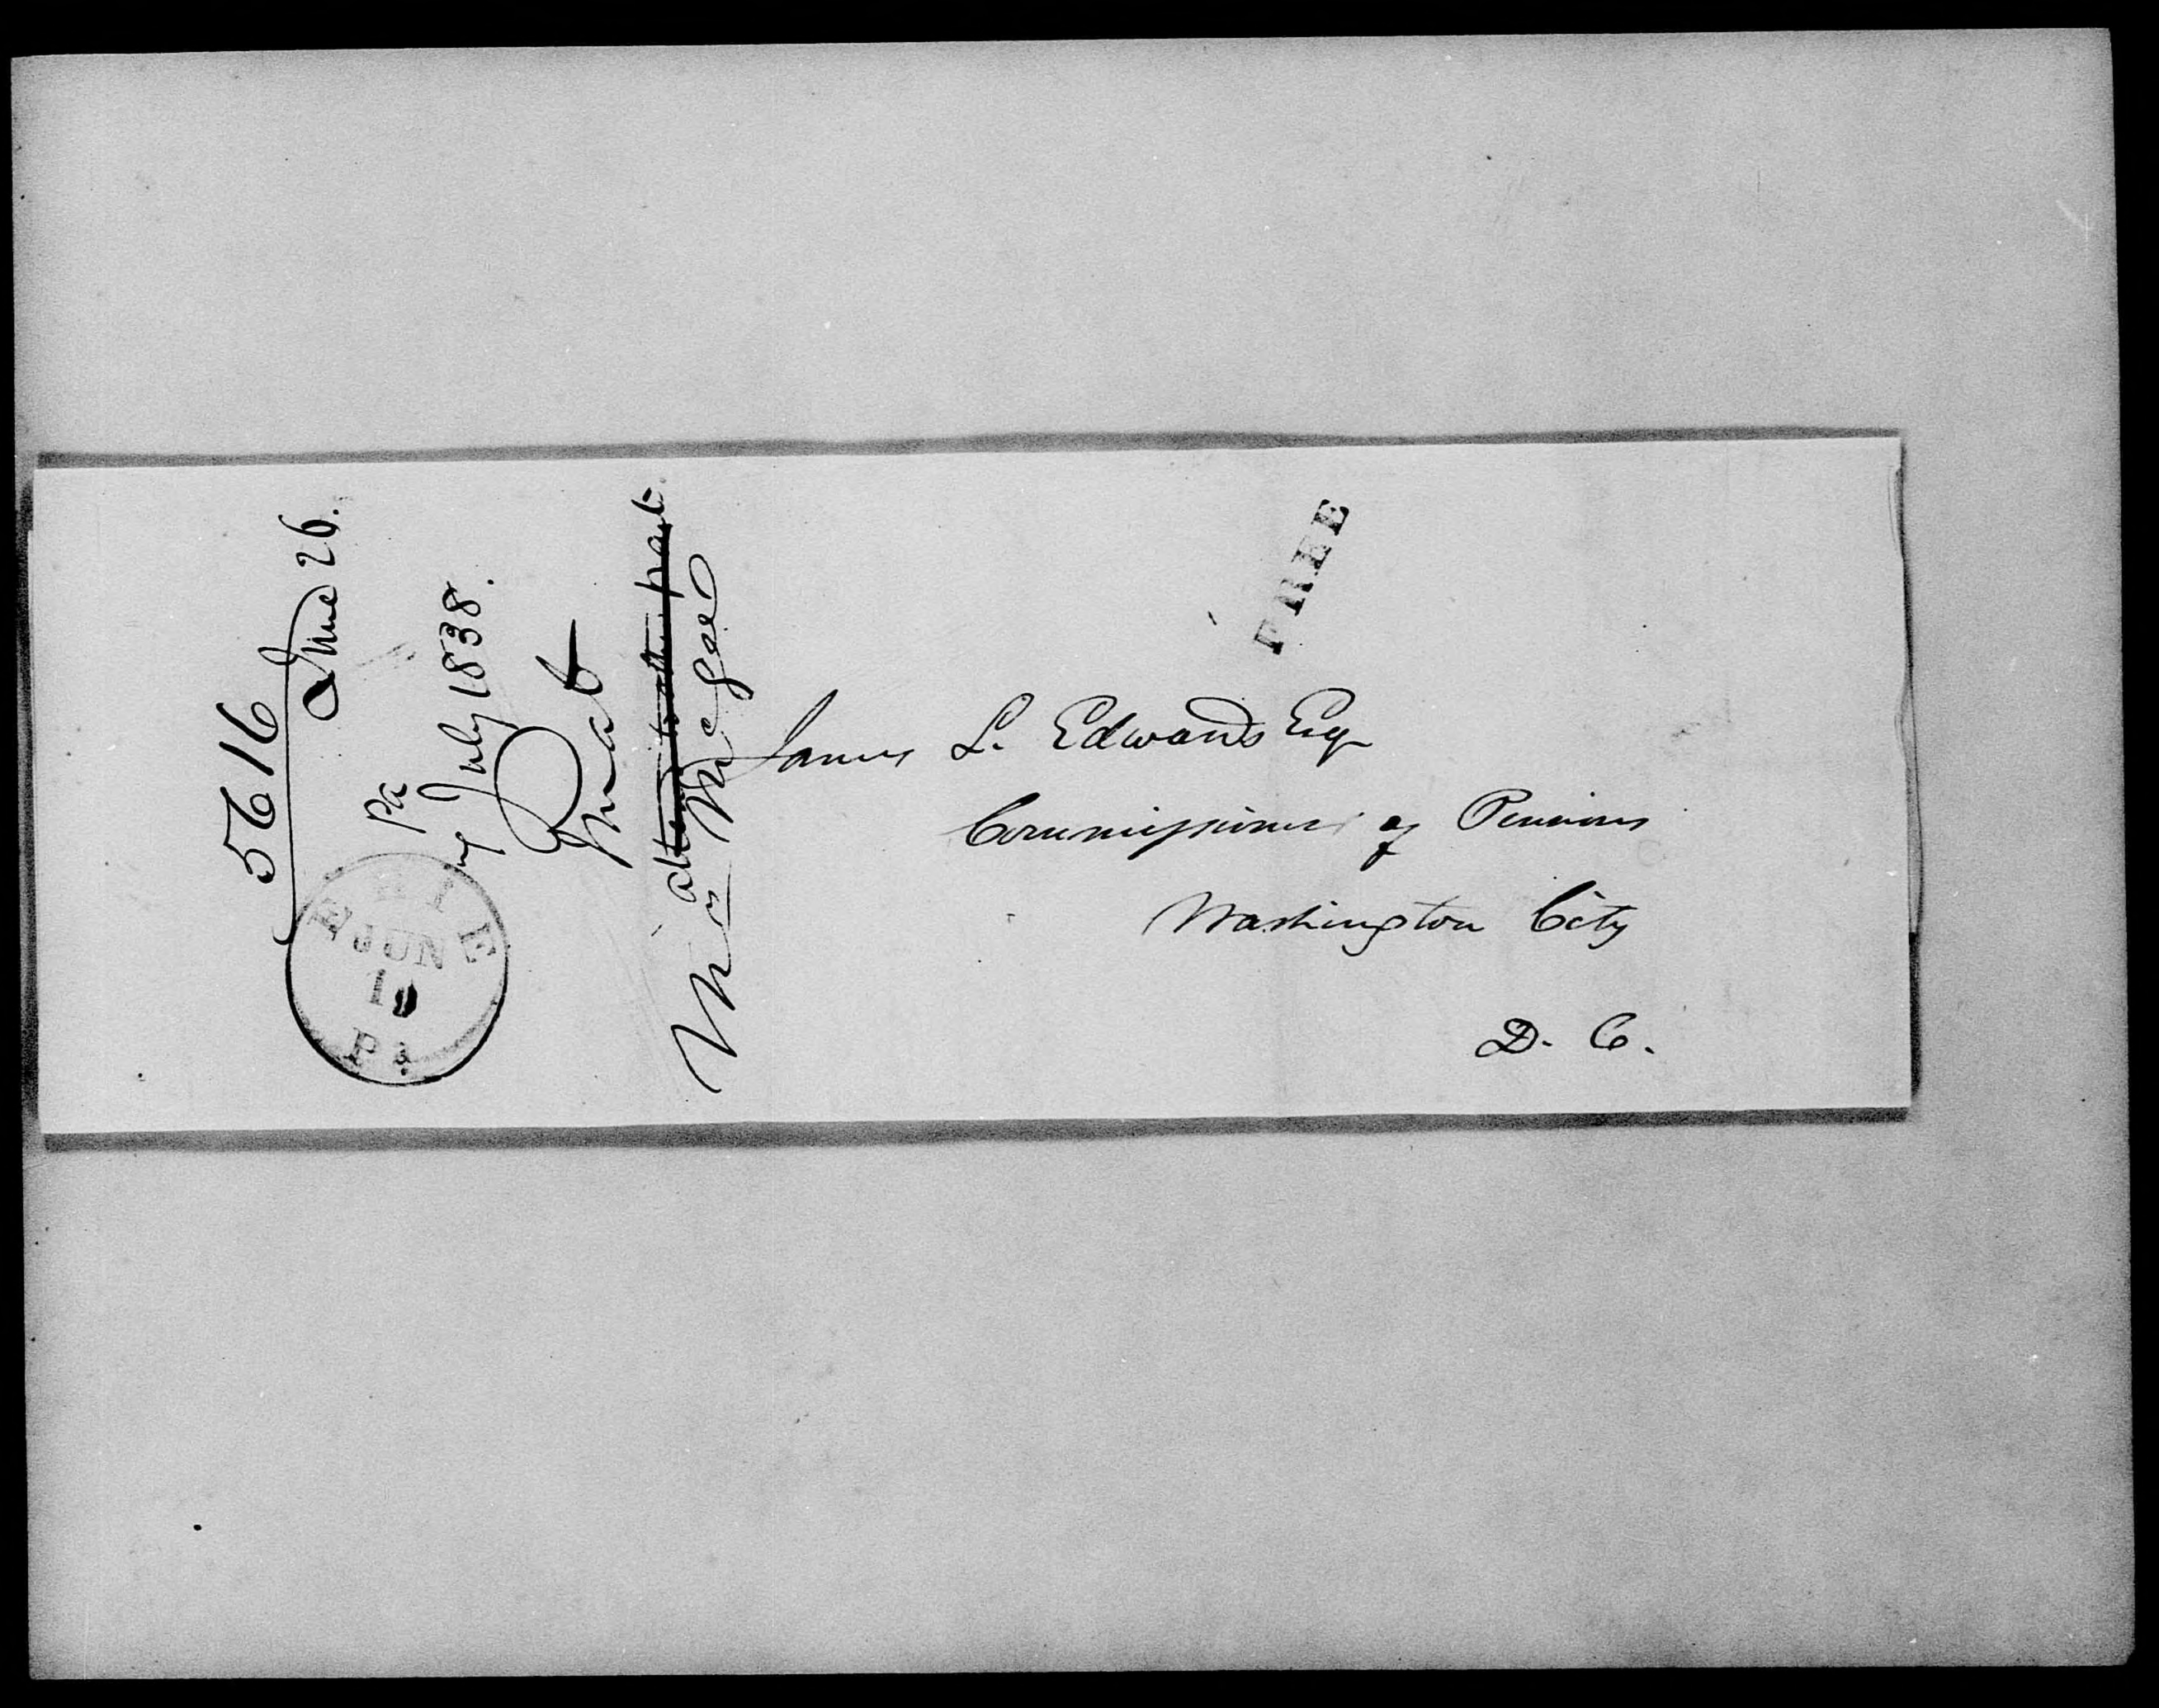(envelope)

FREE

James L. Edwards Esq
Commissioner of Pensions
Washington City  D.C,

(notes to side)

5616
June 26
pr
7 July 1838
Pmt
(crossed out word)
Mr. McGee

(stamp)

ERIE
JUNE
19
PA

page: 25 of 77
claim: widow's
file: W 2954, for James Mc Gee, Delaware